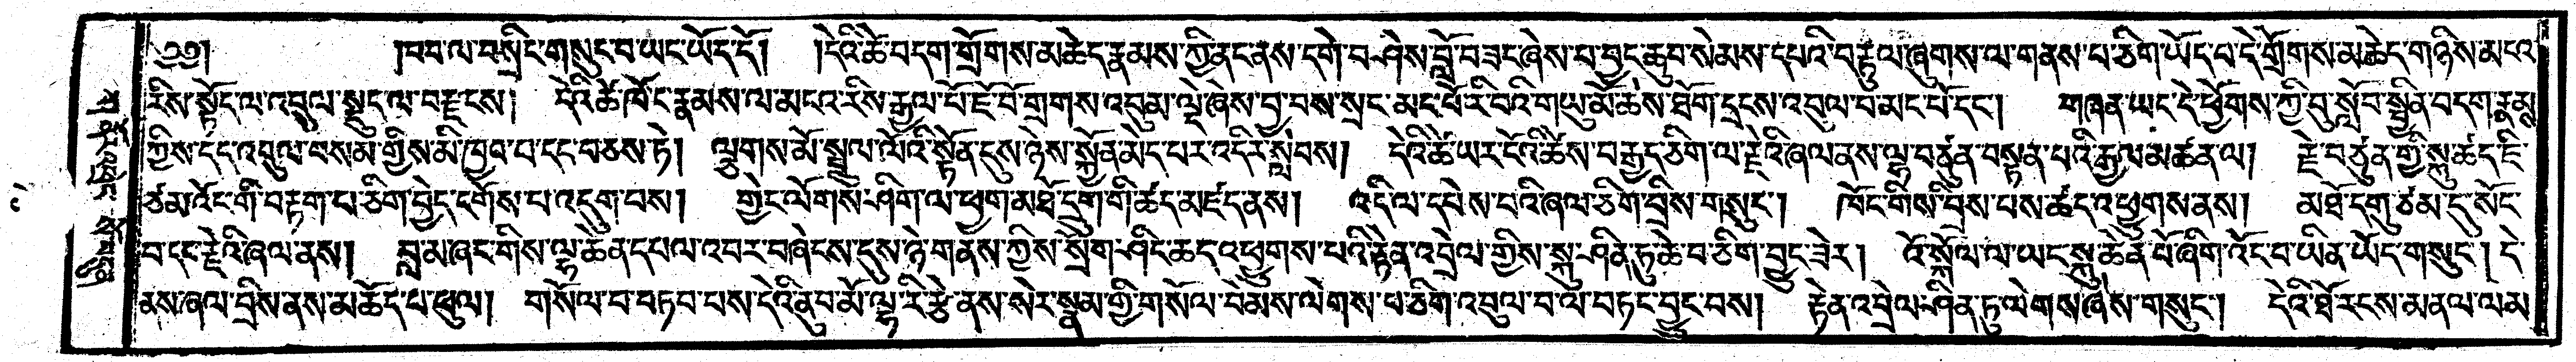༄༅། །བབ་ལ་བསྲིང་གསུང་བ་ཡང་ཡོད་དོ། །དེའི་ཚེ་བདག་གྲོགས་མཆེད་རྣམས་ཀྱི་ནང་ནས་དགེ་བཤེས་བློ་བཟང་ཞེས་པ་བྱང་ཆུབ་སེམས་དཔའི་བརྟུལ་ཞུགས་ལ་གནས་པ་ཅིག་ཡོད་པ་དེ་གྲོགས་མཆེད་གཉིས་མངའ་
རིས་སྟོད་ལ་འབུལ་སྡུད་ལ་བརྫངས། དེའི་ཚེ་ཁོ་ང་རྣམས་ལ་མངའ་རིས་རྒྱལ་པོ་ཇོ་བོ་གྲགས་འབུམ་ལྡེ་ཞེས་བྱ་བས་སྲང་མང་པོ་རི་བའི་གཡུ་མོ་ཆེས་ཐོག་དྲངས་འབུལ་བ་མང་པོ་དང་། གཞན་ཡང་དེ་ཕྱོགས་ཀྱི་བུ་སློབ་སྦྱིན་བདག་རྣམས་
ཀྱིས་དད་འབུལ་བསམ་གྱིས་མི་ཁྱབ་བ་དང་བཅས་ཏེ། ལྕགས་མོ་སྦྲུལ་ལོའི་སྟོན་དུས་ཉེས་སྐྱོན་མེད་པར་འདིར་སླེབས། དེའི་ཚེ་ཡར་ངོའི་ཚེས་བརྒྱད་ཅིག་ལ་རྗེའི་ཞལ་ནས་ལྷ་བཙུན་བསྟན་པའི་རྒྱལ་མཚན་ལ། རྗེ་བཙུན་གྱི་སྐུ་ཚད་ཇི་
ཙམ་འོང་གི་བརྟག་པ་ཅིག་བྱེད་དགོས་པ་འདུག་པས། གྱེང་ལོགས་ཤིག་ལ་ཕྱག་མཐོ་དྲུག་གི་ཚད་མཛད་ནས། འདི་ལ་དབེས་པའི་ཞལ་ཅིག་བྲིས་གསུང་། ཁོང་གིས་བྲིས་པས་ཚད་འཕྱུགས་ནས། མཐོ་དགུ་ཙམ་དུ་སོང་
བ་དང་རྗེའི་ཞལ་ནས། བླ་མ་ཞང་གིས་ལྷ་ཆེན་དཔལ་འབར་བཞེངས་དུས་ཉེ་གནས་ཀྱིས་སྲོག་ཤིང་ཆད་འཕྱུགས་པའི་རྟེན་འབྲེལ་གྱིས་སྐུ་ཤིན་ཏུ་ཆེ་བ་ཅིག་བྱུང་ཟེར། འོ་སྐོལ་ལ་ཡང་སྐུ་ཆེན་པོ་ཞིག་འོང་བ་ཡིན་ཡོད་གསུང་། དེ་
ནས་ཞལ་བྲིས་ནས་མཆོད་པ་ཕུལ། གསོལ་བ་བཏབ་པས་དེའི་ནུབ་མོ་ལྷ་རི་རྩེ་ནས་སེར་སྣམ་གྱི་གསོལ་བེམས་ལེགས་པ་ཅིག་འབུལ་བ་ལ་བཏང་བྱུང་བས། རྟེན་འབྲེལ་ཤིན་ཏུ་ལེགས་ཞེས་གསུང་། དེའི་ཐོ་རངས་མནལ་ལམ་